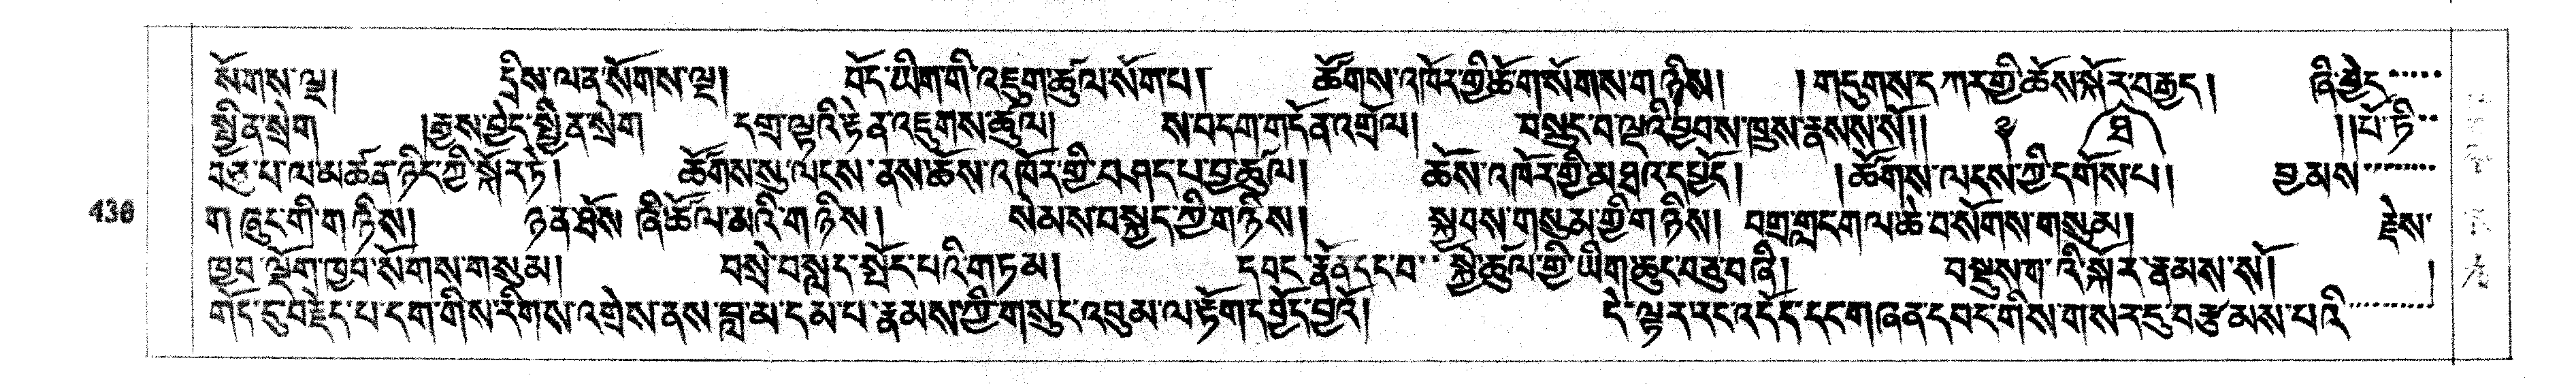སོགས་ལྔ། དྲིས་ལན་སོགས་ལྔ། བོད་ཡིག་གི་འཇུག་ཚུལ་སོག་པ། ཚོགས་འཁོར་གྱི་ཆོ་ག་སོགས་གཉིས། །གདུགས་དཀར་གྱི་ཆོས་སྐོར་བརྒྱད། ཞི་བྱེད་
སྤྱིན་སྲེག །རྒྱས་བྱེད་སྤྱིན་སྲེག་དགྲ་ལྟའི་རྟེན་འཇུག་ཚུལ། ས་བདག་གདོན་འགྲོལ། བསྲུང་བ་ལྔའི་བྱབས་ཁྲུས་རྣམས་སོ།། ༈ ཐ྄་།།པོ་ཏི་
བཅུ་པ་ལ་མཚན་ཉིད་ཀྱི་སྐོར་ཏེ། ཚོགས་སུ་ལངས་ནས་ཆོས་འཁོར་གྱི་བཤད་པ་བྱ་ཚུལ། ཆོས་འཁོར་གྱི་མཐའ་དཔྱོད། །ཚོགས་ལངས་ཀྱི་དགོས་པ། བྱམས་
གཞུང་གི་གཉིས། ཉན་ཐོས་ཞི་ཚོལ་མའི་གཉིས། སེམས་བསྐྱད་ཀྱི་གཉིས། སྐྱབས་གསུམ་གྱི་གཉིས། བགྲ་གླང་གལ་ཆེ་བ་སོགས་གསུམ། རྗེས་
ཁྱབ་ལྡོག་ཁྱབ་སོགས་གསུམ། བསྲེ་བསླད་སྤོང་པའི་གཏམ། དབང་རྣོན་དང་བ་སྐྱེ་ཚུལ་གྱི་ཡིག་ཆུང་བཅུ་བཞི། བསྡུས་གའི་སྐོར་རྣམས་སོ། །
གོང་དུ་བརྗེད་པ་དག་གིས་རིགས་འགྲེས་ནས་བླ་མ་དམ་པ་རྣམས་ཀྱི་གསུང་འབུམ་ལ་རྟོག་དབྱོད་བྱའོ། དེ་ལྟར་རང་འདོད་དང་གཞན་དབང་གིས་གསར་དུ་བརྩམས་པའི་